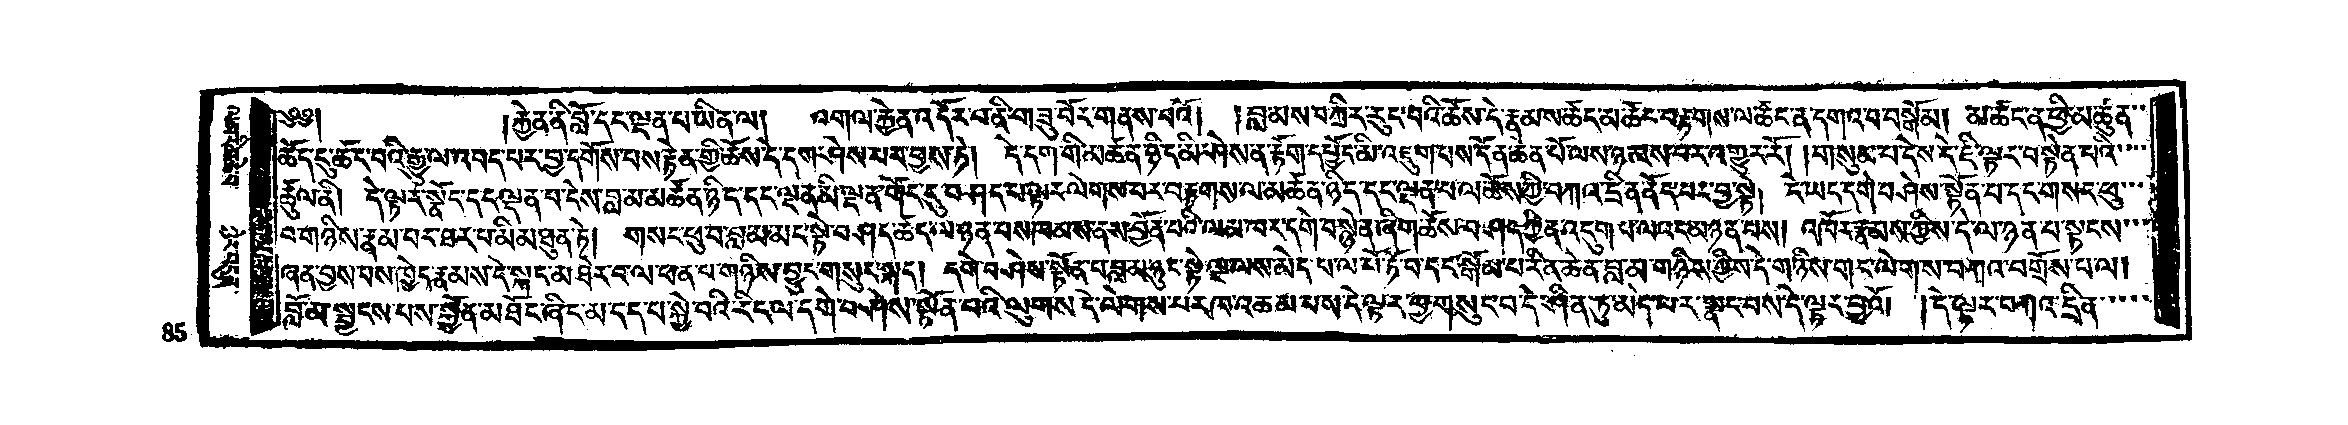༄༅། །རྐྱེན་ནི་བློ་དང་ལྡན་པ་ཡིན་ལ། འགལ་རྐྱེན་འདོར་བ་ནི་གཟུ་བོར་གནས་པའོ། །བླ་མས་བཀྲིར་རུང་བའི་ཆོས་དེ་རྣམས་ཚང་མ་ཚང་བརྟགས་ལ་ཚང་ན་དགའ་བ་བསྒོམ། མ་ཚང་ན་ཕྱི་མ་ཆུན་
ཆོད་དུ་ཚང་བའི་རྒྱུ་ལ་འབད་པར་བྱ་དགོས་པས་རྟེན་གྱི་ཆོས་དེ་དག་ཤེས་པར་བྱས་ཏེ། དེ་དག་གི་མཚན་ཉིད་མི་ཤེས་ན་རྟོག་དཔྱོད་མི་འཇུག་པས་དོན་ཆེན་པོ་ལས་ཉམས་པར་འགྱུར་རོ། །གསུམ་པ་དེས་དེ་ཇི་ལྟར་བསྟེན་པའི་
ཚུལ་ནི། དེ་ལྟར་སྣོད་དང་ལྡན་པ་དེས་བླ་མ་མཚན་ཉིད་དང་ལྡན་མི་ལྡན་གོང་དུ་བཤད་པ་ལྟར་ལེགས་པར་བརྟགས་ལ་མཚན་ཉིད་དང་ལྡན་པ་ལ་ཆོས་ཀྱི་བཀའ་དྲིན་ནོད་པར་བྱ་སྟེ། དེ་ཡང་དགེ་བཤེས་སྟོན་པ་དང་གསང་ཕུ་
པ་གཉིས་རྣམ་པར་ཐར་པ་མི་མཐུན་ཏེ། གསང་ཕུ་བ་བླ་མ་མང་སྟེ་བཤད་ཚད་ལ་ཉན་པས་ཁམས་ནས་བྱོན་པའི་ལམ་ཁར་དགེ་བསྙེན་ཞིག་ཆོས་བཤད་ཀྱིན་འདུག་པ་ལའང་མཉན་པས། འཁོར་རྣམས་ཀྱིས་དེ་ལ་ཉན་པ་སྟངས་
ཞན་བྱས་པས་ཁྱེད་རྣམས་དེ་སྐད་མ་ཟེར་ང་ལ་ཕན་པ་གཉིས་བྱུང་གསུང་སྐད། དགེ་བཤེས་སྟོན་པ་བླ་མ་ཉུང་སྟེ་ལྔ་ལས་མེད་པ་ལ་པོ་ཏོ་བ་དང་སྒོམ་པ་རིན་ཆེན་བླ་མ་གཉིས་ཀྱིས་དེ་གཉིས་གང་ལེགས་བཀའ་བགྲོས་པ་ལ།
བློ་མ་སྦྱངས་པས་སྐྱོན་མཐོང་ཞིང་མ་དད་པ་སྐྱེ་བའི་རིང་ལ་དགེ་བཤེས་སྟོན་པའི་ལུགས་དེ་ལེགས་པར་ཁ་འཆམ་པས་དེ་ལྟར་བྱ་གསུང་བ་དེ་ཤིན་ཏུ་མད་པར་སྣང་བས་དེ་ལྟར་བྱའོ། །དེ་ལྟར་བཀའ་དྲིན་